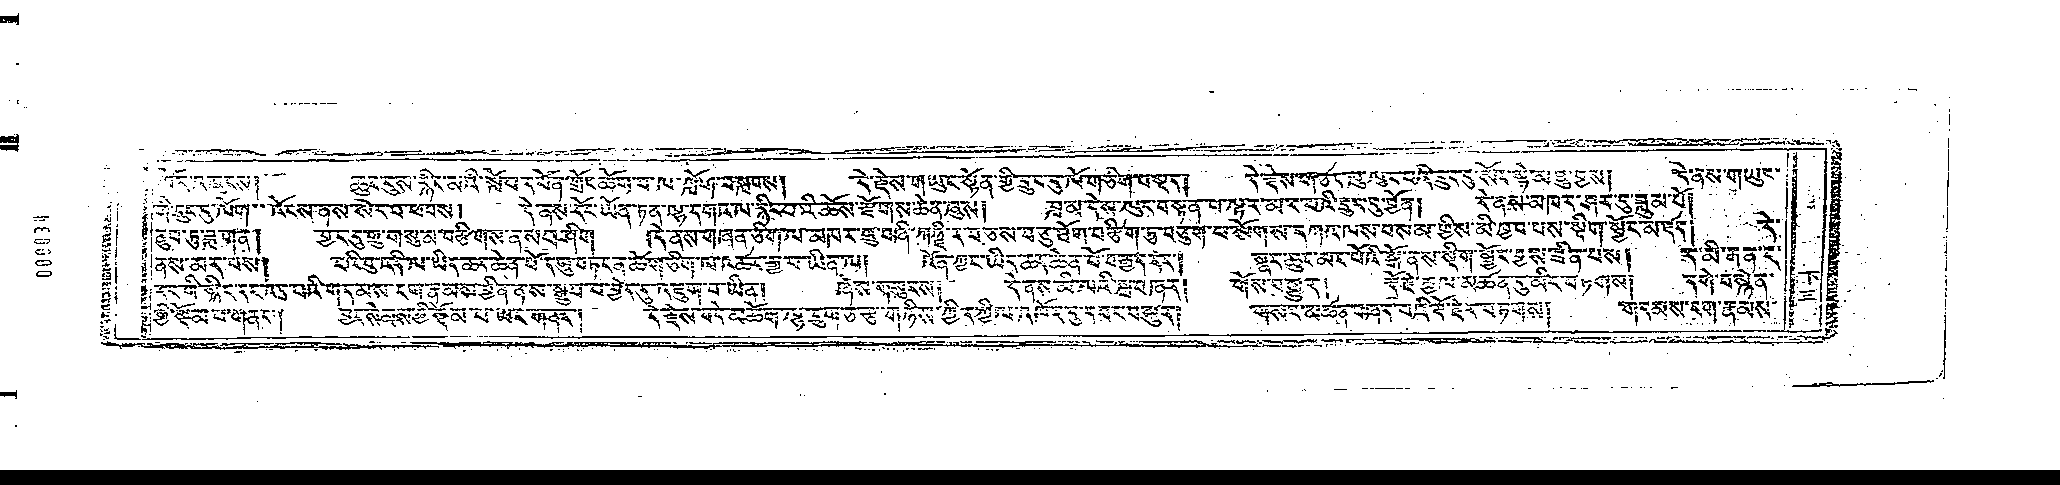ལོར་འཁྲུངས། ཆུང་དུས་རྙིང་མའི་སློབ་དཔོན་གྲོང་ཆོག་པ་ལ་ཀློག་བསླབས། དེ་རྗེས་གཡུང་སྟོན་གྱི་དྲུང་དུ་ལོ་གཅིག་བསྡད། དེ་རྗེས་གཙང་ཁུ་ལུང་པའི་དྲུང་དུ་སོང་སྟེ་མཐུ་བྱས། དེ་ནས་གཡུང་
གི་དྲུང་དུ་ལོག་འོངས་ནས་སེར་བ་ཕབས། དེ་ནས་རོང་ཡོན་ཏན་ལྷ་དགའ་ལ་རྙིང་མའི་ཆོས་རྫོགས་ཆེན་ཞུས། །བླ་མ་དེས་ལུང་བསྟན་པ་ལྟར་མར་པའི་དྲུང་དུ་བྱོན། དེ་ནས་མཁར་ཤར་དུ་ཟླུམ་པོ།
ནུབ་ཏུ་ཟླ་གམ། བྱང་དུ་གྲུ་གསུམ་བརྩིགས་ནས་བཤིག །དེ་ནས་གཞན་ཅིག་ལ་མཁར་གྲུ་བཞི་གཉྫིར་བཅས་བཅུ་ཐོག་བརྩིག་ཏུ་བཅུག་པ་སོགས་དཀའ་ལས་བསམ་གྱིས་མི་ཁྱབ་བས་སྡིག་སྦྱོང་མཛད། །དེ་
ནས་མར་པས། ངའི་བུ་འདི་ལ་ཡིད་ཆད་ཆེན་བོ་དགུ་བཏང་ན་ཚེ་གཅིག་ལ་འཚང་རྒྱ་བ་ཡིན་ལ། འོན་ཀྱང་ཡིད་ཆད་ཆེན་བོ་བརྒྱད་དང་། སྣང་ཆུང་མང་པོའི་སྒོ་ནས་སྡིག་སྦྱོང་བྱས་ཟིན་བས། དམིག་ནད་
རང་གི་སྙིང་དང་འདྲ་བའི་གདམས་ངག་རྣམས་བྱིན་ནས་སྒྲུབ་པ་བྱེད་དུ་འཇུག་བ་ཡིན། ཞེས་གསུངས། དེ་ནས་མི་ལའི་སྐྲ་བཞར། གོས་བསྐྱུར། རྡོ་རྗེ་རྒྱལ་མཚན་དུ་མིང་བཏགས། དགེ་བསྙེན་
ཀྱི་སྡོམ་པ་གནང་། བྱང་སེམས་ཀྱི་སྡོམ་པ་ཡང་གནང་། དེ་རྗེས་བདེ་མཆོག་ལྷ་དྲུག་ཅུ་རྩ་གཉིས་ཀྱི་དཀྱིལ་འཁོར་དུ་དབང་བསྐུར། གསང་མཚན་བཞང་པའི་རྡོ་རྗེར་བཏགས། གདམས་ངག་རྣམས་